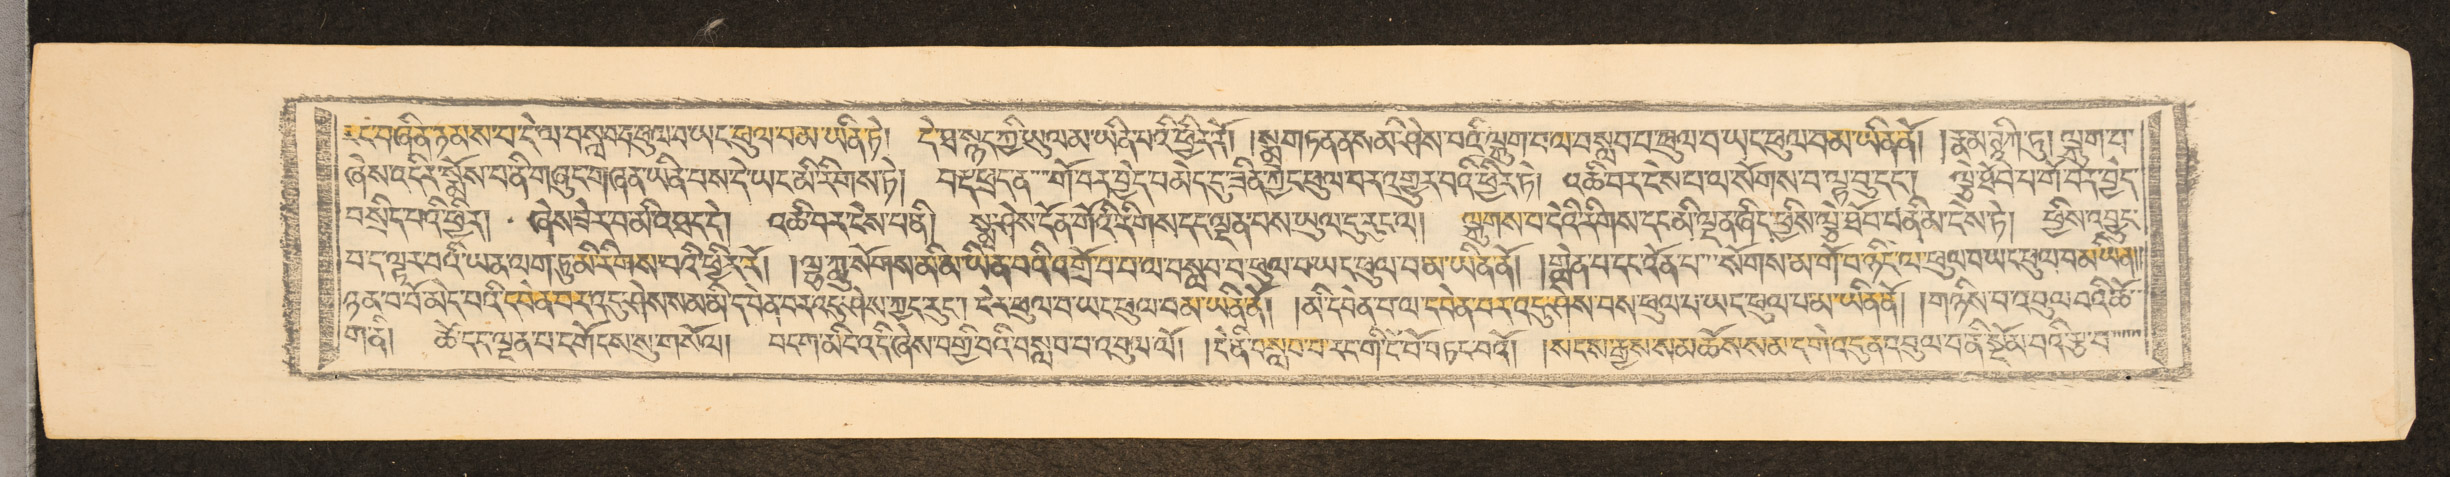རང་བཞིན་ཉམས་པ་དེ་ལ་བསླབ་བ་ཕུལ་བ་ཡང་ཕུལ་བ་མ་ཡིན་ཏེ། དེ་ཐ་སྙད་ཀྱི་ཡུལ་མ་ཡིན་པའི་ཕྱིར་རོ། །སྨྲ་གཏན་ནས་མི་ཤེས་པའི་ལྐུག་པ་ལ་བསླབ་པ་ཕུལ་བ་?མ་ཡིན་ནོ། །རྣམ་ཊཱིཀ་ཏུ། ལྐུག་པ་
ཞེས་འདིར་སྨོས་པ་ནི་གཞུང་གཞན་ཡིན་པས་དེ་ཡང་མི་རིགས་ཏེ། བརྡ་ཕྲང་ན་གོ་བར་བྱེད་པ་མེད་དུ་ཟིན་ཀྱང་ཕུལ་བར་འགྱུར་པའི་ཕྱིར་ཏེ། འཆི་བར་ངེས་པ་ལ་སོགས་པ་ལྟ་བུ་དང་། ལྕེ་ཐོབ་པ་གོ་བར་བྱེད་
པ་སྲིད་པའི་ཕྱིར། ཞེས་ཟེར་བ་མའི?་ཐད་དེ། འཆི་བར་ངེས་པ་ནི། སྨྲ་ཤེས་དོན་གོའི་རིགས་དང་ལྡན་པས་ཡུལ་དུ་རུང་ལ། ལྐུགས་པ་དེའི་རིགས་དང་མི་ལྡན་ཞིང་ཕྱིས་ལྕེ་ཐོད་པ་ནི་མ་ངེས་ཏེ། ཕྱིས་འབྱུང་
བ་ད་ལྟར་བའི་ཡན་ལག་ཏུ་མི་རིགས་པའི་ཕྱིར་རོ། །ལྷ་ཀླུ་སོགས་མི་མ་ཡིན་པའི་འགྲོ་བ་པ་ལ་བསླབ་པ་ཕུལ་བ་ཡང་ཕུལ་བ་མ་ཡིན་ནོ། །གླེན་པ་དང་འོན་པ་སོགས་མ་གོ་བ་ཉིད་ལ་ཕུལ་བ་ཡང་ཕུལ་བ་མ་ཡིན་ནོ།།
ཉན་པོ་པོ་མེད་པའི་དབེན་པར་འདུ་ཤེས་སམ་མི་དབེན་པར་འདུ་ཤེས་ཀྱང་རུང་། དེར་ཕུལ་བ་ཡང་ཕུལ་བ་མ་ཡིན་ནོ། །མི་དབེན་པ་ལ་དབེན་པར་འདུ་ཤེས་པས་ཕུལ་བ་ཡང་ཕུལ་བ་མ་ཡིན་ནོ། །གཉིས་པ་འབུལ་བའི་ཆོ་
ག་ནི། ཚེ་དང་ལྡན་པ་དགོངས་སུ་གསོལ། བདག་མིང་འདི་ཞེས་བགྱི་བའི་བསླབ་པ་འབུལ་ལོ། །དེ་ནི་བསླབ་པ་རང་གི་ངོ་བོ་བཏང་བའོ། །སངས་རྒྱས་སམ་ཆོས་སམ་དགེ་འདུན་འབུལ་བ་ནི་སྡོམ་པའི་རྩ་བ་